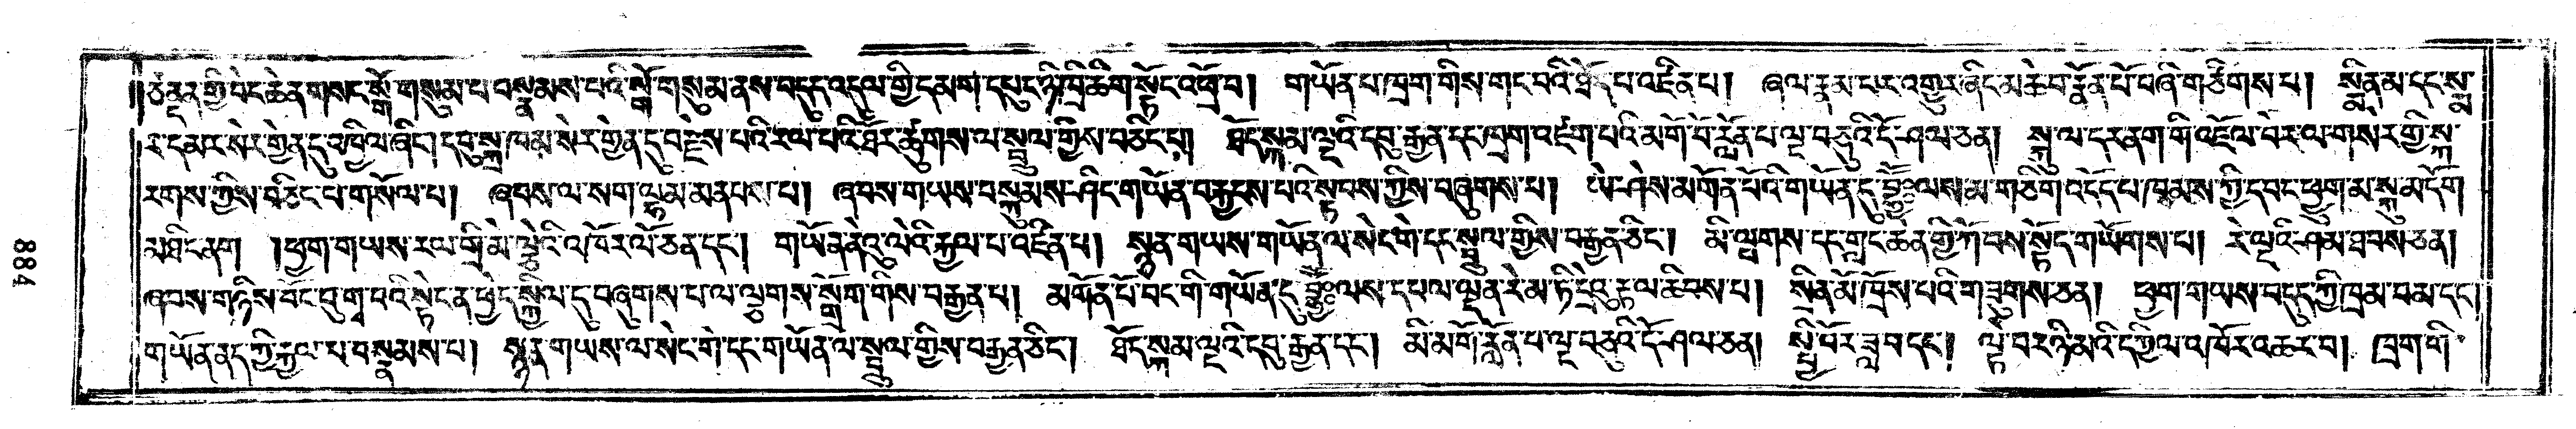ཙནྡན་གྱི་བེང་ཆེན་གསང་སྒོ་གསུམ་པ་བསྣམས་པའི་སྒོ་གསུམ་ནས་བདུད་འདུལ་གྱི་དམག་དཔུང་ཉི་ཁྲི་ཆིག་སྟོང་འཕྲོ་བ། གཡོན་པ་ཁྲག་གིས་གང་བའི་ཐོད་པ་འཛིན་པ། ཞལ་རྣམ་པར་འགྱུར་ཞིང་མཆེ་བ་རྣོན་པོ་བཞི་གཙིགས་པ། སྨིན་མ་དང་སྨ་
ར་དམར་སེར་གྱེན་དུ་འཁྱིལ་ཞིང་། དབུ་སྐྲ་ཁམ་སེར་གྱེན་དུ་བརྗེས་པའི་རལ་པའི་ཐོར་ཚུགས་ལ་སྦྲུལ་གྱིས་བཅིང་པ། ཐོད་སྐམ་ལྔའི་དབུ་རྒྱན་དང་ཁྲག་འཛག་པའི་མགོ་བོ་རློན་པ་ལྔ་བཅུའི་དོ་ཤལ་ཅན། སྐུ་ལ་དར་ནག་གི་འཇོལ་བར་ལ་གསར་གྱི་སྐ་
རགས་ཀྱིས་བཅིང་པ་གསོལ་པ། ཞབས་ལ་སག་ལྷམ་མན་པས་པ། ཞབས་གཡས་བསྐུམས་ཤིང་གཡོན་བརྐྱངས་པའི་སྟབས་ཀྱིས་བཞུགས་པ། ཡེ་ཤེས་མགོན་པོའི་གཡོན་དུ་བྷྱཽཿ ལས་མ་གཅིག་འདོད་པ་ཁམས་ཀྱི་དབང་ཕྱུག་མ་སྐུ་མདོག་
མཐིང་ནག །ཕྱག་གཡས་རལ་གྲི་མེ་ལྕེའི་འཁོར་ལོ་ཅན་དང་། གཡོན་ནེའུ་ལེའི་རྐྱལ་པ་འཛིན་པ། སྙན་གཡས་གཡོན་ལ་སེང་གེ་དང་སྦྲུལ་གྱིས་བརྒྱན་ཅིང་། མི་ཝགས་དང་གླང་ཆེན་གྱི་ཀོ་བས་སྟོད་གཡོགས་པ། རེ་ལྔའི་ཤམ་ཐབས་ཅན།
ཞབས་གཉིས་བོང་བུ་གྭ་པའི་སྟེང་ན་ཕྱེད་སྐྱིལ་དུ་བཞུགས་པ་ལ་ལྕགས་སྒྲོག་གིས་བརྒྱན་པ། མགོན་པོ་བང་གི་གཡོན་དུ་བྷྱོཿ ལས་དཔལ་ལྡན་རེ་མ་ཏི་དྲེའི་རྟ་ལ་ཆིབས་པ། སྲིན་མོ་ཁྲོས་པའི་གཟུགས་ཅན། ཕྱག་གཡས་བདུད་ཀྱི་ཁྲམ་བམ་དང་།
གཡོན་ནད་ཀྱི་རྒྱལ་པ་བསྣམས་པ། སྙན་གཡས་ལ་སེང་གེ་དང་གཡོན་ལ་སྦྲུལ་གྱིས་བརྒྱན་ཅིང་། ཐོད་སྐམ་ལྔའི་དབུ་རྒྱན་དང་། མི་མགོ་རློན་པ་ལྔ་བཅུའི་དོ་ཤལ་ཅན། སྤྱི་བོར་ཟླ་བ་དང་། ལྟེ་བར་ཉི་མའི་དཀྱིལ་འཁོར་འཆར་བ། ཁྲག་གི་